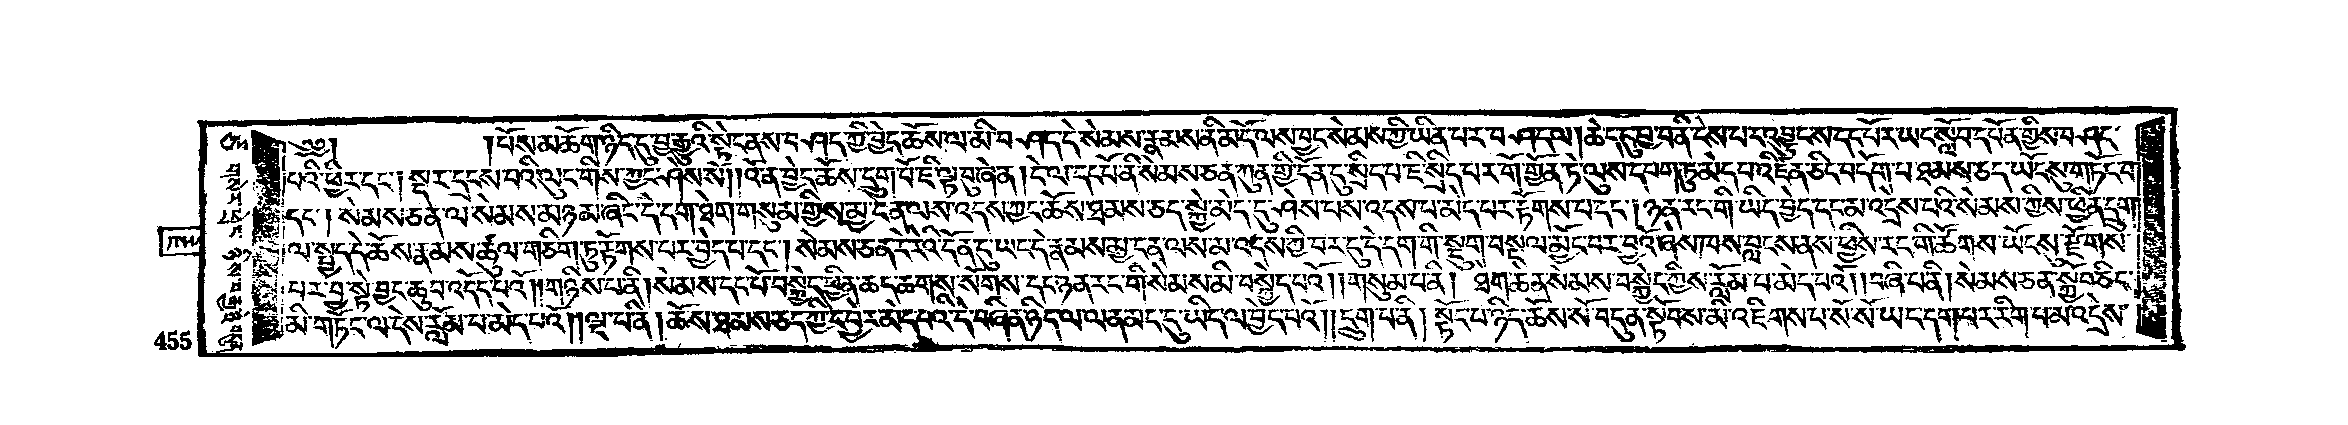༄༅། །པོས་མཆོག་ཉིད་དུ་བྱ་རྒྱུའི་སྟེང་ནས་བཤད་ཀྱི་བྱེད་ཆོས་ལ་མི་བཤད་དེ་སེམས་རྣམས་ནི་མདོ་ལས་བྱང་སེམས་ཀྱི་ཡིན་པར་བཤད་ལ། ཆེད་དུ་བྱ་བ་ནི་ངེས་པར་འབྱུང་ས་དང་པོར་ཡང་སློབ་དཔོན་གྱིས་བཤད་
པའི་ཕྱིར་དང་། སྔར་དྲངས་པའི་ལུང་གིས་ཀྱང་ཤེས་སོ། །འོ་ན་བྱེད་ཆོས་དྲུག་པོ་ཇི་ལྟ་བུ་ཞེ་ན། དེ་ལ་དང་པོ་ནི་སེམས་ཅན་ཀུན་གྱི་དོན་དུ་སྲིད་པ་ཇི་སྲིད་པར་གོ་གྱོན་ཏེ་ལུས་དཔག་ཏུ་མེད་པ་འཛིན་ཅིང་བདོག་པ་ཐམས་ཅད་ཡོངས་སུ་གཏོང་བ་
དང་། སེམས་ཅན་ལ་སེམས་མཉམ་ཞིང་དེ་དག་ཐེག་གསུམ་གྱིས་མྱ་ངན་ལས་འདས་ཀྱང་ཆོས་ཐམས་ཅད་སྐྱེ་མེད་དུ་ཤེས་པས་འདས་པ་མེད་པར་རྟོགས་པ་དང་། ཉན་རང་གི་ཡིད་བྱེད་དང་མ་འདྲེས་པའི་སེམས་ཀྱིས་ཕྱིན་དྲུག་
ལ་སྤྱད་དེ་ཆོས་རྣམས་ཚུལ་གཅིག་ཏུ་རྟོགས་པར་བྱེད་པ་དང་། སེམས་ཅན་རེ་རེའི་དོན་དུ་ཡང་དེ་རྣམས་མྱ་ངན་ལས་མ་འདས་ཀྱི་བར་དུ་དེ་དག་གི་སྡུག་བསྔལ་མྱོང་བར་བྱའོ་ཞེས་ཁས་བླངས་ནས་ཕྱིས་རང་གི་ཚོགས་ཡོངས་སུ་རྫོགས་
པར་བྱ་སྟེ་བྱང་ཆུབ་འདོད་པའོ། །གཉིས་པ་ནི། སེམས་དང་པོ་བསྐྱེད་ཕྱིན་ཆད་ཆགས་སོགས་དང་ཉན་རང་གི་སེམས་མི་བསྐྱེད་པའོ། །གསུམ་པ་ནི། ཐེག་ཆེན་སེམས་བསྐྱེད་ཀྱིས་རློམ་པ་མེད་པའོ། །བཞི་པ་ནི། སེམས་ཅན་སྐྱོབ་ཅིང་
མི་གཏོང་ལ་དེས་རློམ་པ་མེད་པའོ། །ལྔ་པ་ནི། ཆོས་ཐམས་ཅད་ཀྱི་དབྱེར་མེད་པའི་དེ་བཞིན་ཉིད་ལ་ལན་མང་དུ་ཡིད་ལ་བྱེད་པའོ། །དྲུག་པ་ནི། སྟོང་པ་ཉིད་ཆོས་སོ་བདུན་སྟོབས་མི་འཇིགས་པ་སོ་སོ་ཡང་དག་པར་རིག་པ་མ་འདྲེས་